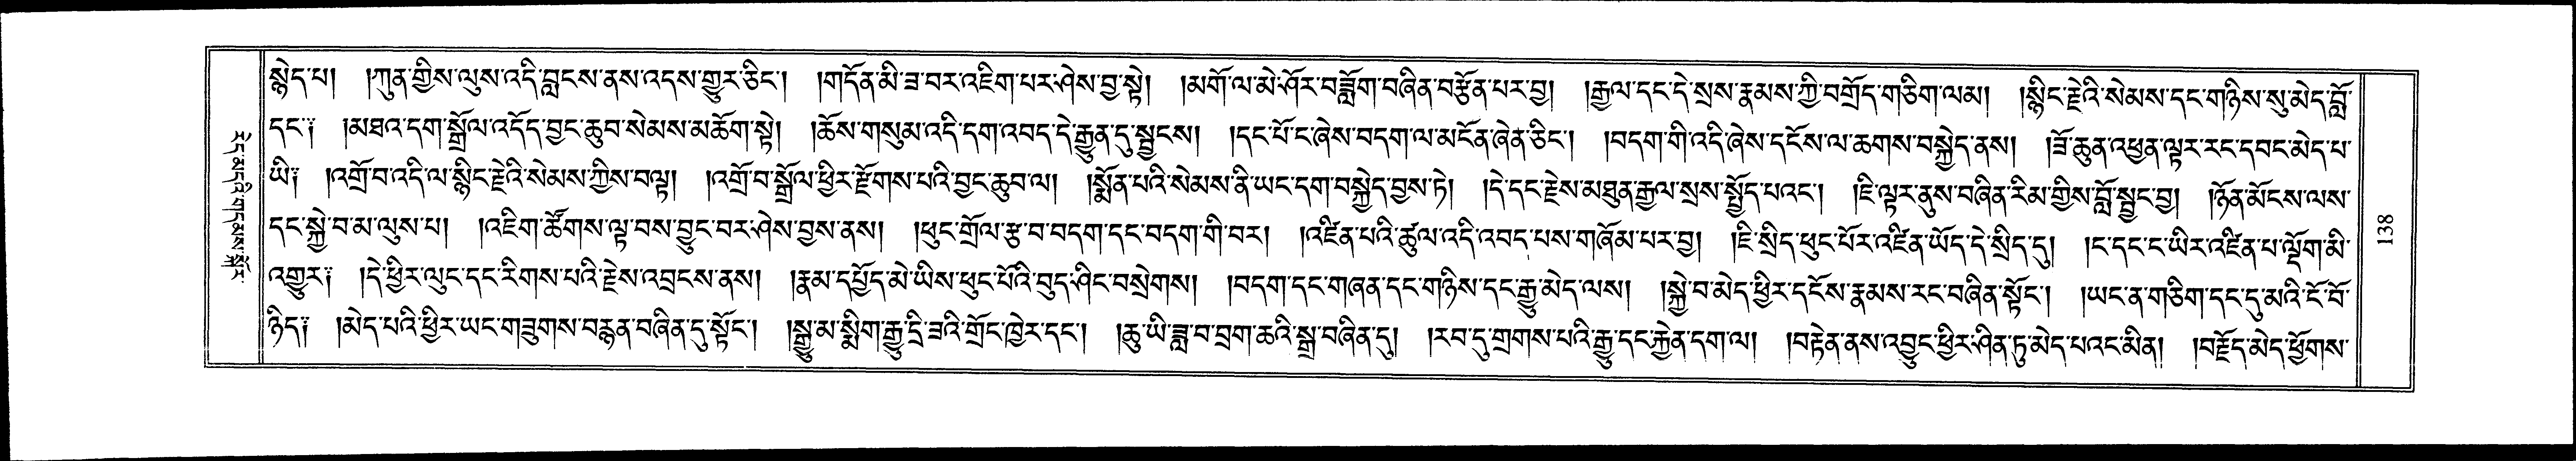སྙེད་པ། །ཀུན་གྱིས་ལུས་འདི་བླངས་ནས་འདས་གྱུར་ཅིང་། །གདོན་མི་ཟ་བར་འཇིག་པར་ཤེས་བྱ་སྟེ། །མགོ་ལ་མེ་ཤོར་བཟློག་བཞིན་བརྩོན་པར་བྱ། །རྒྱལ་དང་དེ་སྲས་རྣམས་ཀྱི་བགྲོད་གཅིག་ལམ། །སྙིང་རྗེའི་སེམས་དང་གཉིས་སུ་མེད་བློ་
དང་། །མཐའ་དག་སྒྲོལ་འདོད་བྱང་ཆུབ་སེམས་མཆོག་སྟེ། །ཆོས་གསུམ་འདི་དག་འབད་དེ་རྒྱུན་དུ་སྦྱངས། །དང་པོ་ང་ཞེས་བདག་ལ་མངོན་ཞེན་ཅིང་། །བདག་གི་འདི་ཞེས་དངོས་ལ་ཆགས་བསྐྱེད་ནས། །ཟོ་ཆུན་འཕྱན་ལྟར་རང་དབང་མེད་པ་
ཡི། །འགྲོ་བ་འདི་ལ་སྙིང་རྗེའི་སེམས་ཀྱིས་བལྟ། །འགྲོ་བ་སྒྲོལ་ཕྱིར་རྫོགས་པའི་བྱང་ཆུབ་ལ། །སྨོན་པའི་སེམས་ནི་ཡང་དག་བསྐྱེད་བྱས་ཏེ། །དེ་དང་རྗེས་མཐུན་རྒྱལ་སྲས་སྤྱོད་པའང་། །ཇི་ལྟར་ནུས་བཞིན་རིམ་གྱིས་བློ་སྦྱང་བྱ། །ཉོན་མོངས་ལས་
དང་སྐྱེ་བ་མ་ལུས་པ། །འཇིག་ཚོགས་ལྟ་བས་བྱུང་བར་ཤེས་བྱས་ནས། །ཕུང་གྲོལ་རྩ་བ་བདག་དང་བདག་གི་བར། །འཛིན་པའི་ཚུལ་འདི་འབད་པས་གཞོམ་པར་བྱ། །ཇི་སྲིད་ཕུང་པོར་འཛིན་ཡོད་དེ་སྲིད་དུ། །ང་དང་ང་ཡིར་འཛིན་པ་ལྡོག་མི་
འགྱུར། །དེ་ཕྱིར་ལུང་དང་རིགས་པའི་རྗེས་འབྲངས་ནས། །རྣམ་དཔྱོད་མེ་ཡིས་ཕུང་པོའི་བུད་ཤིང་བསྲེགས། །བདག་དང་གཞན་དང་གཉིས་དང་རྒྱུ་མེད་ལས། །སྐྱེ་བ་མེད་ཕྱིར་དངོས་རྣམས་རང་བཞིན་སྟོང་། །ཡང་ན་གཅིག་དང་དུ་མའི་ངོ་བོ་
ཉིད། །མེད་པའི་ཕྱིར་ཡང་གཟུགས་བརྙན་བཞིན་དུ་སྟོང་། །སྒྱུ་མ་སྨིག་རྒྱུ་དྲི་ཟའི་གྲོང་ཁྱེར་དང་། །ཆུ་ཡི་ཟླ་བ་བྲག་ཆའི་སྒྲ་བཞིན་དུ། །རབ་དུ་གྲགས་པའི་རྒྱུ་དང་རྐྱེན་དག་ལ། །བརྟེན་ནས་འབྱུང་ཕྱིར་ཤིན་ཏུ་མེད་པའང་མིན། །བརྗོད་མེད་ཕྱོགས་